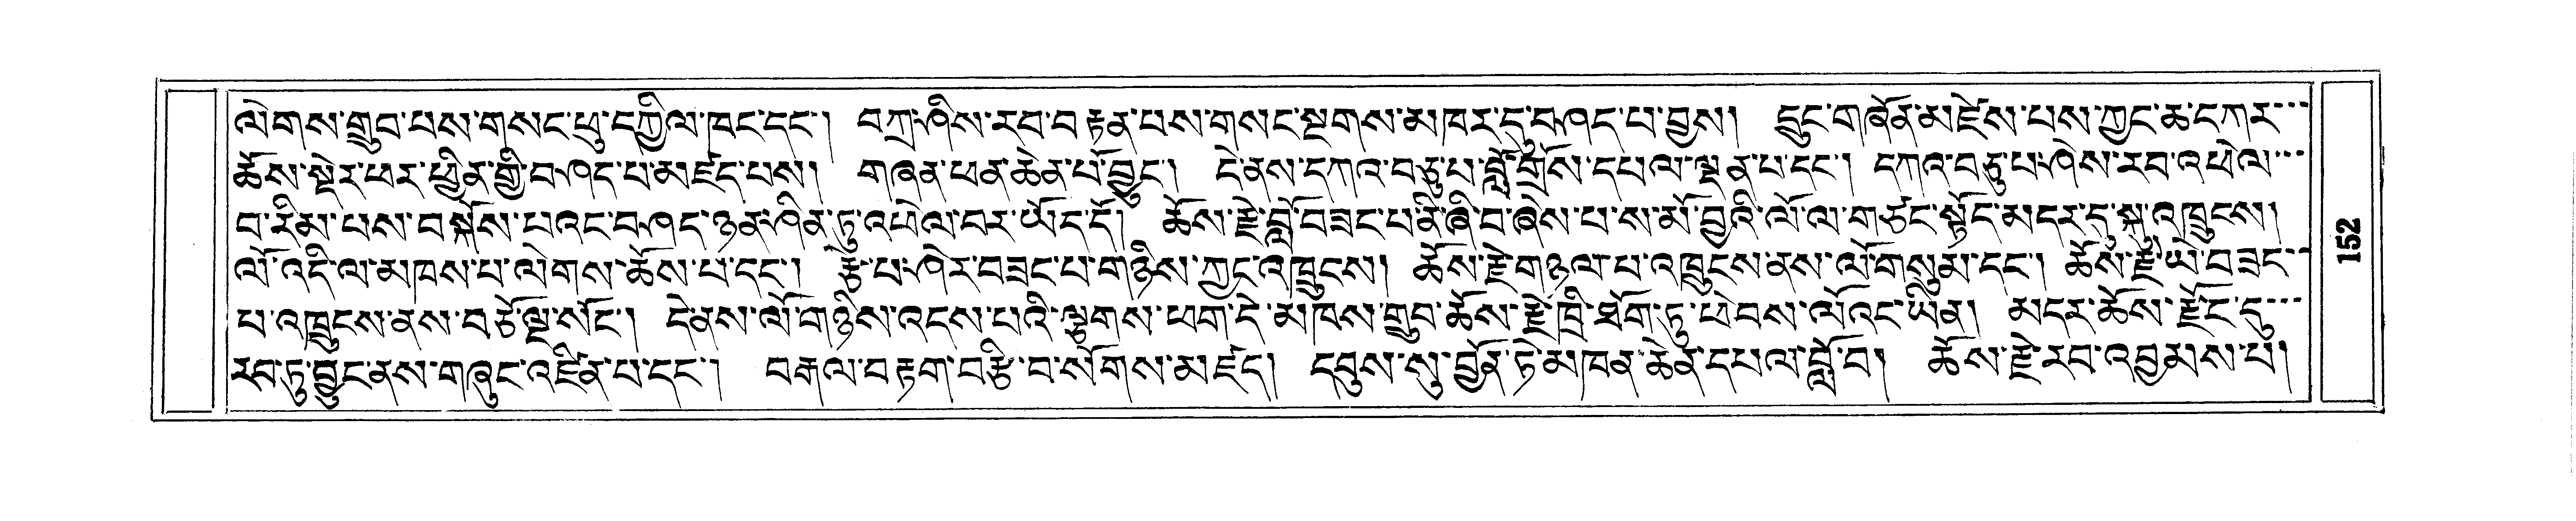ལེགས་གྲུབ་པས་གསང་ཕུ་དཀྱིལ་ཁང་དང་། བཀྲ་ཤིས་རབ་བརྟན་པས་གསང་སྔགས་མཁར་དུ་བཤད་པ་བྱས། དྲུང་གཞོན་མཛེས་པས་ཀྱང་ཆ་དཀར་
ཆོས་སྡེར་ཕར་ཕྱིན་གྱི་བཤད་པ་མཛད་པས། གཞན་ཕན་ཆེན་པོ་བྱུང་། དེ་ནས་དཀའ་བཅུ་པ་བློ་གྲོས་དཔལ་ལྡན་པ་དང་། དཀའ་བཅུ་པ་ཤེས་རབ་འཕེལ་
བ་རིམ་པས་བསྐོས་པའང་བཤད་ཉན་ཤིན་ཏུ་འཕེལ་བར་ཡོད་དོ། ཆོས་རྗེ་བློ་བཟང་པ་ནི་ཞི་བ་ཞེས་པ་ས་མོ་བྱའི་ལོ་ལ་གཙང་སྟོད་མདར་དུ་སྐུ་འཁྲུངས།
ལོ་འདི་ལ་མཁས་པ་ལེགས་ཆོས་པ་དང་། རྩེ་པ་ཤེར་བཟང་པ་གཉིས་ཀྱང་འཁྲུངས། ཆོས་རྗེ་གཉལ་པ་འཁྲུངས་ནས་ལོ་གསུམ་དང་། ཆོས་རྗེ་ཡེ་བཟང་
པ་འཁྲུངས་ནས་བཅོ་ལྔ་སོང་། དེ་ནས་ལོ་གཉིས་འདས་པའི་ལྕགས་ཕག་དེ་མཁས་གྲུབ་ཆོས་རྗེ་ཁྲི་ཐོག་ཏུ་ཕེབས་ལོའང་ཡིན། མདར་ཆོས་རྫོང་དུ་
རབ་ཏུ་བྱུང་ནས་གཞུང་འཛིན་པ་དང་། བརྒལ་བརྟག་བརྩི་བ་སོགས་མཛད། དབུས་སུ་བྱོན་ཏེ་མཁན་ཆེན་དཔལ་བློ་བ། ཆོས་རྗེ་རབ་འབྱམས་པ།